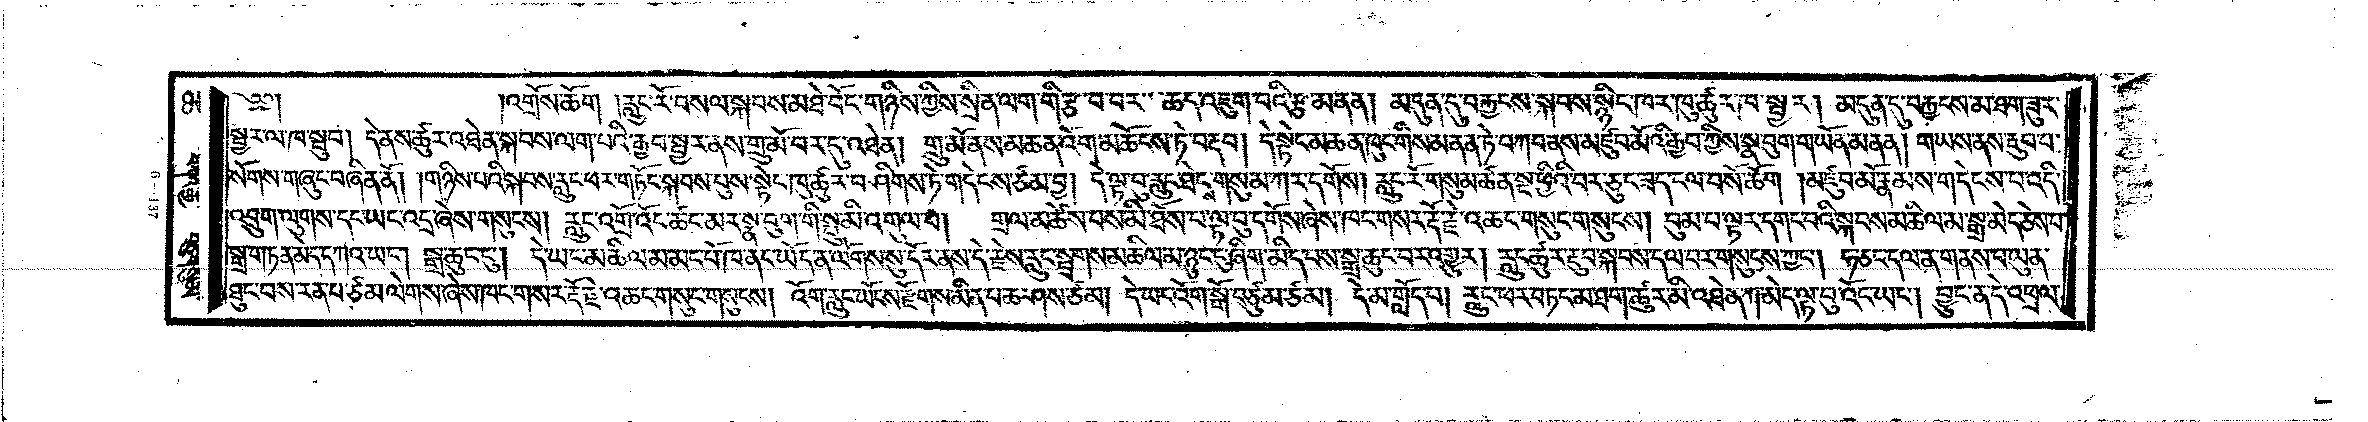༄༅། །འགྲོས་ཆོག །རླུང་རོ་བསལ་སྐབས་མཐེ་བོང་གཉིས་ཀྱིས་སྲིན་ལག་གི་རྩ་བ་བར་ཆད་འཇུག་པའི་རྩ་མ་ནན། མདུན་དུ་བརྐྱངས་སྐབས་སྙིང་ཁར་ཁུ་ཚུར་ཁ་སྦྱར། མདུན་དུ་བརྐྱངས་མ་ཐག་ཟུར་
སྦྱར་ལ་ཁ་སྦུབ། དེ་ནས་ཚུར་འཐེན་སྐབས་ལག་པའི་རྒྱབ་སྦྱར་ནས་གྲུ་མོ་བར་དུ་འཐེན། གྲུ་མོ་ནས་མཆན་འོག་མཆོངས་ཏེ་བརྡབ། དེ་སྟེང་མཆན་ཁུང་གིས་མནན་ཏེ་བཀབ་ནས་མཛུབ་མོའི་རྒྱབ་ཀྱིས་སྣ་བུག་གཡོན་མནན། གཡས་ནས་རྔུབ་པ་
སོགས་གཞུང་བཞིན་ནོ། །གཉིས་པའི་སྐབས་རླུང་ཕར་གཏོང་སྐབས་པུས་སྟེང་ཁུ་ཚུར་བཤིགས་ཏེ་གདེངས་ཙམ་བྱ། དེ་ལྟ་བུ་རླུང་ཐེངས་གསུམ་ཀར་དགོས། རླུང་རོ་གསུམ་ཚན་སྔ་ཕྱིའི་བར་ཅུང་ཟད་ངལ་བསོ་ཆོག །མཛུབ་མོ་རྣམས་གདེངས་པ་འདི་
འབྲུག་ལུགས་དང་ཡང་འདྲ་ཞེས་གསུངས། རླུང་འགྲོ་འོང་ཚང་མར་སྣ་བུག་གི་སྤུ་མི་འགུལ་བ། གྲལ་མཚེས་པས་མི་ཐོས་པ་ལྟ་བུ་དགོས་ཞེས་ཁང་གསར་རྡོ་རྗེ་འཆང་གསུང་གསུངས། བུམ་པ་ལྟར་དགང་བའི་སྐབས་མཆི་ལམ་སྒྲ་མེད་ཅེས་བ་
སྒྲ་གཏན་མེད་དཀའ་ཡང་། སྒྲ་ཆུང་ངུ། དེ་ཡང་མཆིལ་མ་མང་པོ་ཁ་ནང་ཡོད་ན་ལོགས་སུ་དོར་ནས་དེ་རྗེས་རླུང་སྦྲགས་མཆིལ་མ་ཉུང་དུ་ཞིག་མིད་པས་སྒྲ་ཆུང་བར་འགྱུར། རླུང་ཚུར་རྡུབ་སྐབས་དལ་བར་གསུངས་ཀྱང་། ཧ་ཅང་དལ་ན་གནས་བ་ཡུན་
ཐུང་བས་རན་པ་ཙམ་ལེགས་ཞེས་ཁང་གསར་རྡོ་རྗེ་འཆང་གསུང་གསུངས། འོག་རླུང་ཡོངས་རྫོགས་མིན་པ་ཆ་ཤས་ཙམ། དེ་ཡང་འོག་སྒོ་བཙུམ་ཙམ། དེ་མ་གློད་པ། རླུང་ཕར་བཏང་མ་ཐག་ཚུར་མི་འཐེན་ཀ་མེད་ལྟ་བུ་འོང་ཡང་། བྱུང་ན་དེ་འཕྲལ་